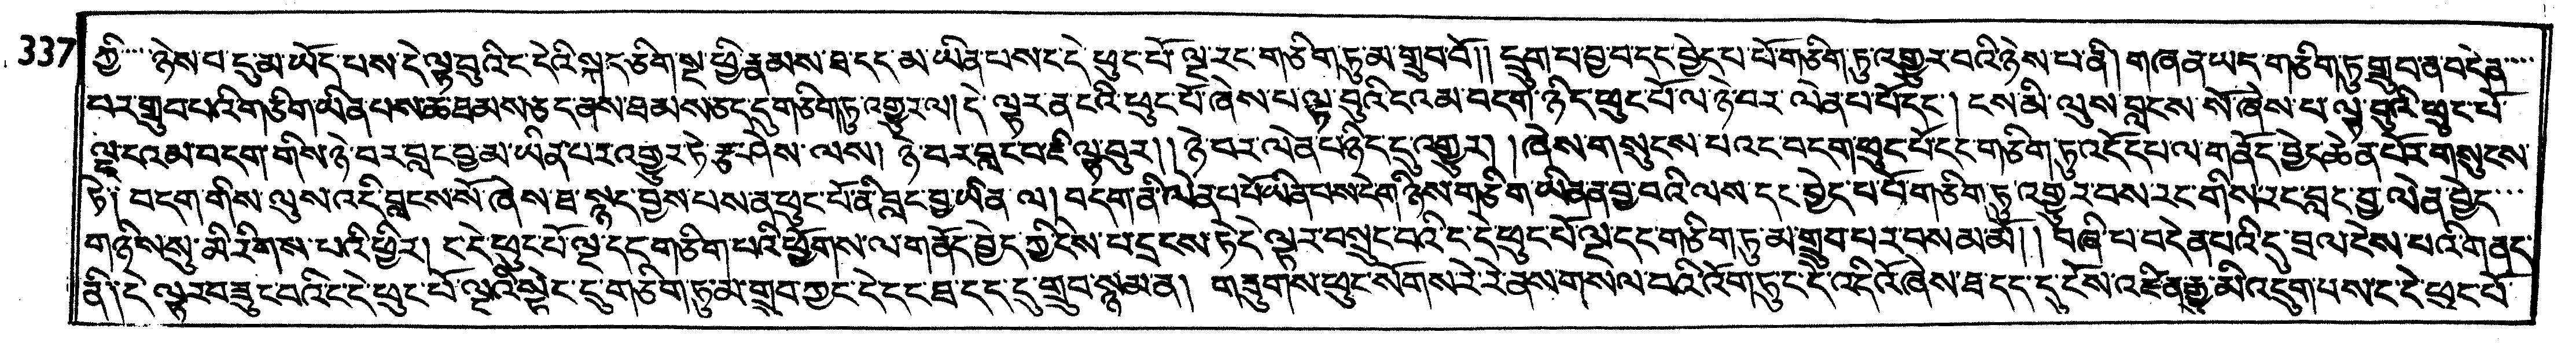ཀྱི་ཉེས་པ་དུ་མ་ཡོད་པས་དེ་ལྟ་བུའི་ང་དེའི་སྐད་ཅིག་སྔ་ཕྱི་རྣམས་ཐ་དད་མ་ཡིན་པས་ང་དེ་ཕུང་པོ་ལྔ་རང་གཅིག་ཏུ་མ་གྲུབ་བོ། །དྲུག་པ་བྱ་བ་དང་བྱེད་པ་པོ་གཅིག་ཏུ་འགྱུར་བའི་ཉེས་པ་ནི། གཞན་ཡང་གཅིག་ཏུ་གྲུབ་ན་བདེན་
པར་གྲུབ་པའི་གཅིག་ཡིན་པས་ཆ་ཐམས་ཅད་ནས་ཐམས་ཅད་དུ་གཅིག་ཏུ་འགྱུར་ལ། དེ་ལྟར་ན་ངའི་ཕུང་པོ་ཞེས་པ་ལྟ་བུའི་ངའམ་བདག་ཉིད་ཕུང་པོ་ལ་ཉེ་བར་ལེན་པ་པོ་དང་། ངས་མི་ལུས་བླངས་སོ་ཞེས་པ་ལྟ་བུའི་ཕུང་པོ་
ལྔ་ངའམ་བདག་གིས་ཉེ་བར་བླང་བྱ་མ་ཡིན་པར་འགྱུར་ཏེ་རྩ་ཤེས་ལས། ཉེ་བར་བླང་བ་ཇི་ལྟ་བུར། །ཉེ་བར་ལེན་པ་ཉིད་དུ་འགྱུར། །ཞེས་གསུངས་པའང་བདག་ཕུང་པོ་དང་གཅིག་ཏུ་འདོད་པ་ལ་གནོད་བྱེད་ཆེན་པོར་གསུངས་
ཏེ༑ བདག་གིས་ལུས་འདི་བླངས་སོ་ཞེས་ཐ་སྙད་བྱས་པས་ན་ཕུང་པོ་ནི་བླང་བྱ་ཡིན་ལ། བདག་ནི་ལེན་པ་པོ་ཡིན་པས་དེ་གཉིས་གཅིག་ཡིན་ན་བྱ་བའི་ལས་དང་བྱེད་པ་པོ་གཅིག་ཏུ་འགྱུར་བས་རང་གིས་རང་བླང་བྱ་ལེན་བྱེད་
གཉིས་སུ་མི་རིགས་པའི་ཕྱིར། ང་དེ་ཕུང་པོ་ལྔ་དང་གཅིག་པའི་ཕྱོགས་ལ་གནོད་བྱེད་ཀྱི་ངེས་པ་དྲངས་ཏེ་དེ་ལྟར་བསྲུང་བའི་ང་དེ་ཕུང་པོ་ལྔ་དང་གཅིག་ཏུ་མ་གྲུབ་པར་བསམ་མོ། །བཞི་པ་བདེན་པའི་དུ་བྲལ་ངེས་པའི་གནང་
ནི༑ དེ་ལྟར་བཟུང་བའི་ང་དེ་ཕུང་པོ་ལྔའི་སྟེང་དུ་གཅིག་ཏུ་མ་གྲུབ་ཀྱང་དེ་དང་ཐ་དད་དུ་གྲུབ་སྙམ་ན། གཟུགས་ཕུང་སོགས་རེ་རེ་ནས་གསལ་བའི་འོག་ཏུ་ང་དེ་འདིའོ་ཞེས་ཐ་དད་དུ་ངོས་འཛིན་རྒྱུ་མི་འདུག་པས་ང་དེ་ཕུང་པོ་